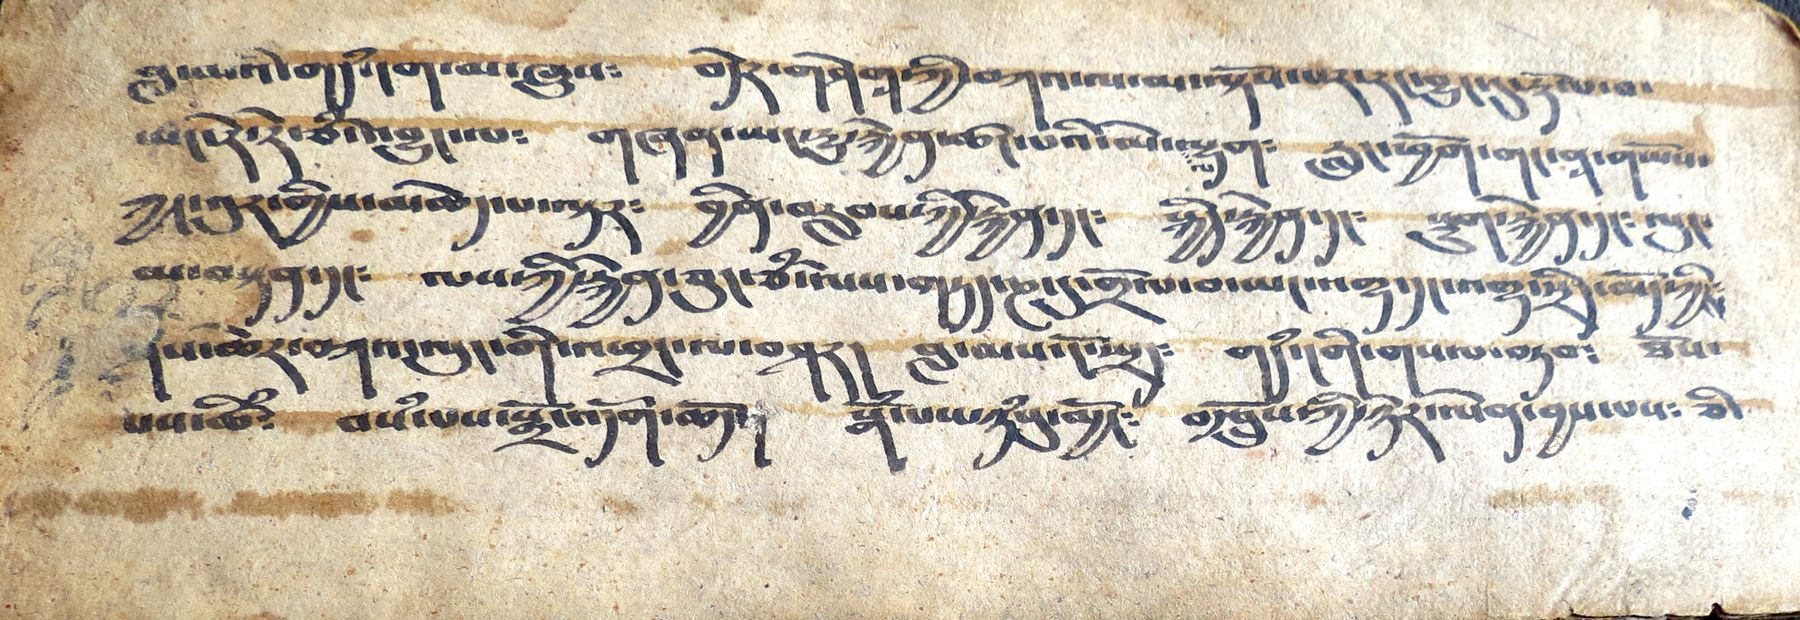བླ་མའི་གདམས་ངག་མ་ཞུས། བདེར་གཤེགས་ཀྱི་བཀའ་ལ་མི་ལྟོས་པར་རང་འབྱུང་དུ་བརྡོལ་བ་
ཡང་རེ་རེ་ཙམ་འབྱུང་ལ། གཞན་ཡང་རྒྱུ་རྐྱེན་ཚང་བས་མེ་སྟག། རླུང་ཕྱོགས་གང་ནས་གཡོས་
ཀྱང་འུར་གྱིས་མཆེད་པ་ལྟར། བྱིན་རླབས་ཀྱི་རྐྱེན་དང་། སྐྱིད་རྐྱེན་དང་། སྡུག་རྐྱེན་དང་། ལུང་
མ་བསྟན་དང་། ལས་ཀྱི་རྐྱེན་ཅུང་ཙམ་ལ་གཏད་མེད་དུ་གྲོལ་བ་ཡང་འགའ་དང་འགའ་སྲིད་མོད་ཀྱི། 
ཤས་ཆེར་བཀའ་ལུང་གིས་འཕྲང་ལ་བཤར། བླ་མས་ངོ་སྤྲད། གདམས་ངག་གིས་གསལ་བཏབ། ཐོས་
པས་ཚིག་གོ། བསམ་པས་སྒྲོ་འདོགས་ཆོད། སྒོམ་པས་ཉམས་སུ་མྱོང་། བརྩོན་འགྲུས་ཀྱིས་ཉེར་ལེན་བྱས་པས། ༼སྒོམ་པ་ཉམས་སུ་མྱོང་བས། ༽ ཅི་